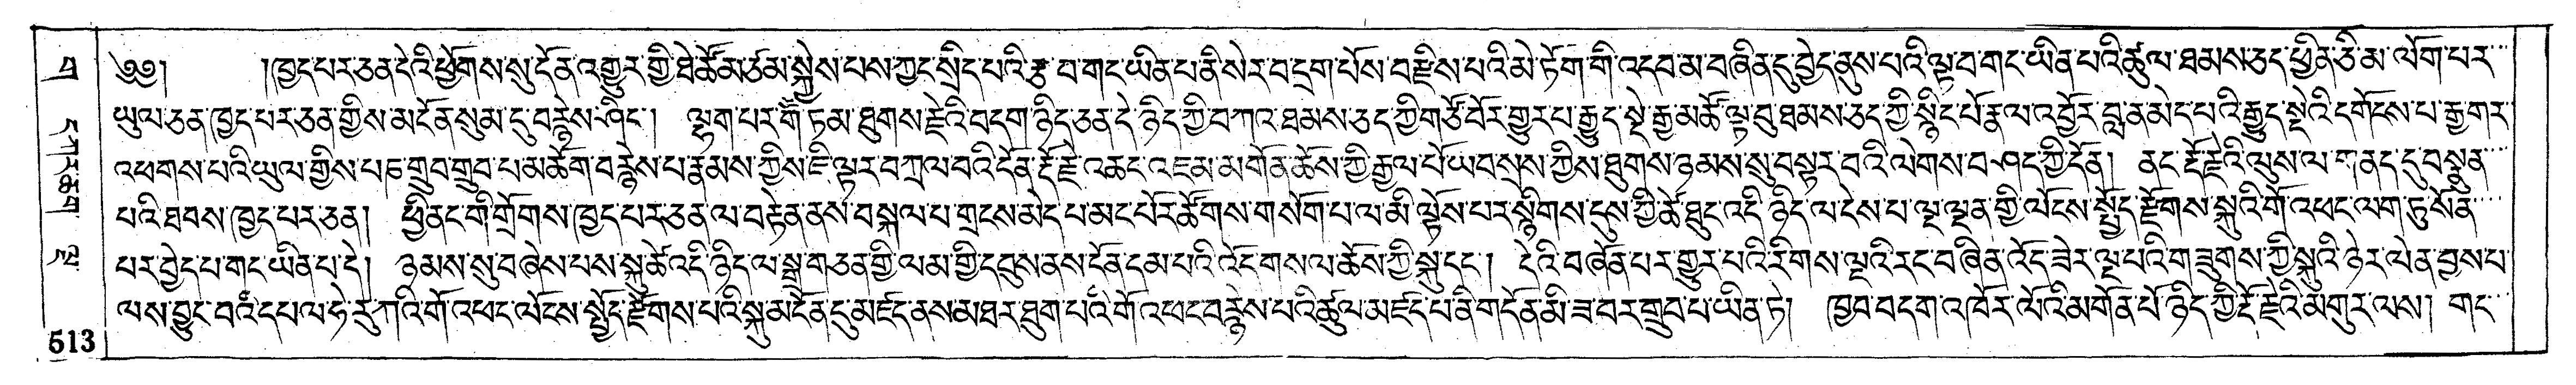༄༅། །ཁྱད་པར་ཅན་དེའི་ཕྱོགས་སུ་དོན་འགྱུར་གྱི་ཐེ་ཚོམ་ཙམ་སྐྱེས་པས་ཀྱང་སྲིད་པའི་རྩ་བ་གང་ཡིན་པ་ནི་སེར་བ་དྲག་པོས་བརྫིས་པའི་མེ་ཏོག་གི་འདབ་མ་བཞིན་དུ་བྱེད་ནུས་པའི་ལྟ་བ་གང་ཡིན་པའི་ཚུལ་ཐམས་ཅད་ཕྱིན་ཅི་མ་ལོག་པར་
ཡུལ་ཅན་ཁྱད་པར་ཅན་གྱིས་མངོན་སུམ་དུ་བརྙེས་ཤིང་། ལྷག་པར་གཽ་ཏ་མ་ཐུགས་རྗེའི་བདག་ཉིད་ཅན་དེ་ཉིད་ཀྱི་བཀའ་ཐམས་ཅད་ཀྱི་གཙོ་བོར་གྱུར་བ་རྒྱུད་སྡེ་རྒྱ་མ་ཚོ་ལྟ་བུ་ཐམས་ཅད་ཀྱི་སྙིང་པོ་རྣལ་འབྱོར་བླ་ན་མེད་པའི་རྒྱུད་སྡེའི་དགོངས་པ་རྒྱ་གར་
འཕགས་པའི་ཡུལ་གྱིས་པཎ་གྲུབ་གྲུབ་པ་མཆོག་བརྙེས་པ་རྣམས་ཀྱིས་ཇི་ལྟར་བཀྲལ་བའི་དོན་རྡོ་རྗེ་འཆང་འཇམ་མགོན་ཆོས་ཀྱི་རྒྱལ་པོ་ཡབ་སྲས་ཀྱིས་ཐུགས་ཉམས་སུ་བསྟར་བའི་ལེགས་བཤང་ཀྱི་དོན། ནང་རྡོ་རྗེའི་ལུས་ལ་གནང་དུ་བསྣུན་
པའི་ཐབས་ཁྱད་བར་ཅན། ཕྱི་ནང་གི་གྲོགས་ཁྱད་པར་ཅན་ལ་བརྟེན་ནས་བསྐལ་པ་གྲངས་མེད་པ་མང་པོར་ཚོགས་གསོག་བ་ལ་མི་ལྟོས་པར་སྙིགས་དུས་ཀྱི་ཚེ་ཐུང་འདི་ཉིད་ལ་ངེས་པ་ལྔ་ལྡན་གྱི་ལོངས་སྤྱོད་རྫོགས་སྐུའི་གོ་འཕང་ལག་ཏུ་སོན་
པར་བྱེད་པ་གང་ཡིན་པ་དེ། ཉམས་སུ་བཞེས་པས་སྐུ་ཚེ་འདི་ཉིད་ལ་སྒྲ་གཅན་གྱི་ལམ་གྱི་དབུས་ནས་དོན་དམ་བའི་འོད་གསལ་ཆོས་ཀྱི་སྐུ་དང་། དེའི་བཞོན་བར་གྱུར་བའི་རིགས་ལྔའི་རང་བཞིན་འོད་ཟེར་ལྔ་པའི་གཟུགས་ཀྱི་སྐུའི་ཉེར་ལེན་བྱས་པ་
ལས་བྱུང་བའི་དཔལ་ཧེ་རུ་ཀའི་གོ་འཕང་ལོངས་སྤྱོད་རྫོགས་པའི་སྐུ་མངོན་དུ་མཛད་ནས་མཐར་ཐུག་པའི་གོ་འཕང་བརྙེས་པའི་ཚུལ་མཛད་བ་ནི་གདོན་མི་ཟ་བར་གྲུབ་པ་ཡིན་ཏེ། ཁྱབ་བདག་འཁོར་ལོའི་མགོན་པོ་ཉིད་ཀྱི་རྡོ་རྗེའི་མགུར་ལས། གང་